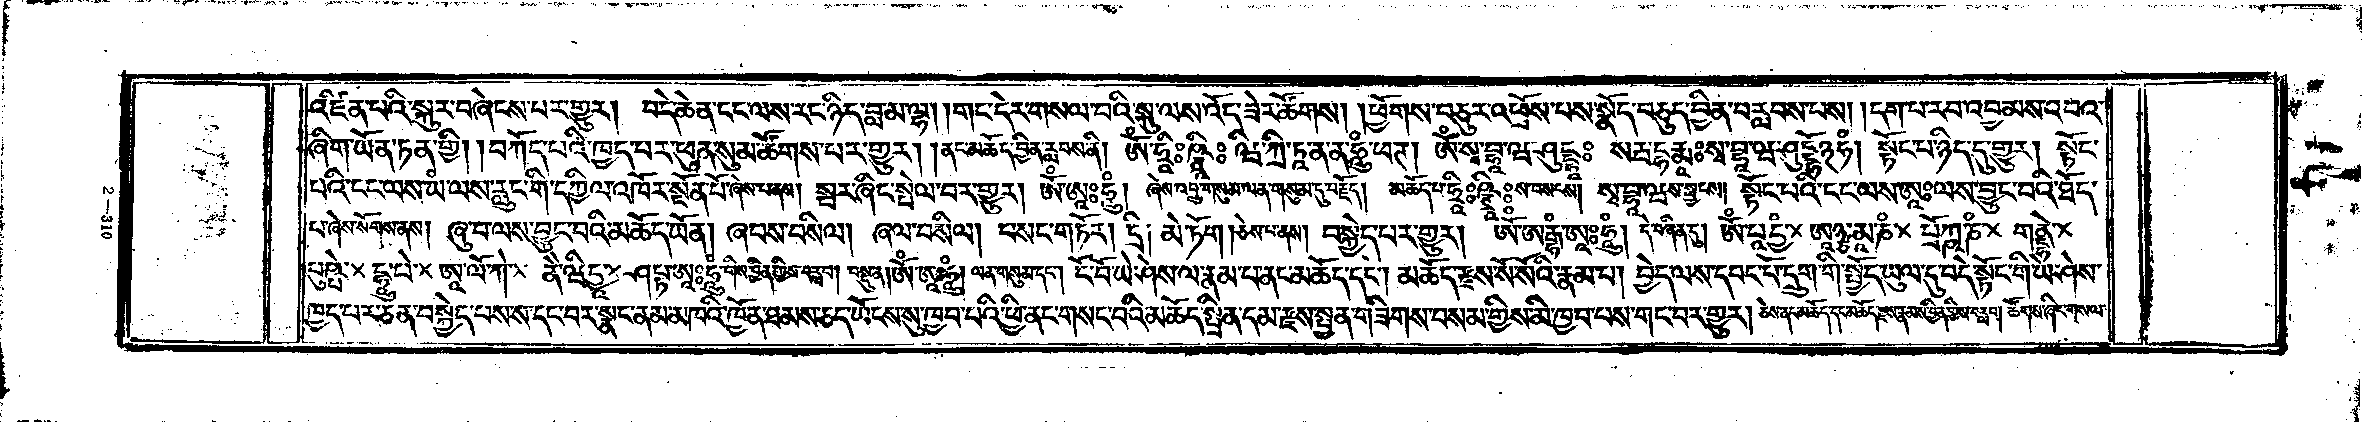འཛིན་པའི་སྐུར་བཞེངས་པར་གྱུར། བདེ་ཆེན་ངང་ལས་རང་ཉིད་བླ་མ་ལྷ། །གང་དེར་གསལ་བའི་སྐུ་ལས་འོད་ཟེར་ཚོགས། །ཕྱོགས་བཅུར་འཕྲོས་པས་སྣོད་བཅུད་བྱིན་བརླབས་པས། །དག་པར་རབ་འབྱམས་འབའ་
ཞིག་ཡོན་ཏན་གྱི། །བཀོད་པའི་ཁྱད་པར་ཕུན་སུམ་ཚོགས་པར་གྱུར། །ནང་མཆོད་བྱིན་རླབས་ནི།  ཨོཾ་ཧྲཱིཿཥྚཱིཿཝྦི་ཁྲི་ཏཱ་ན་ན་ཧཱུཾ་ཕཊ། ཨོཾ་སྭ་བྷཱ་ཝ་ཤུདྡྷཱཿསརྦ་དྷརྨཿསྭབྷཱ་ཝ་ཤུདྡྷོ་ཉཧཾ། སྟོང་པ་ཉིད་དུ་གྱུར། སྟོང་
པའི་ངང་ལས་ཡཾ་ལས་རླུང་གི་དཀྱིལ་འཁོར་སྔོན་པོ་ཞེས་པ་ནས།  སྦར་ཞིང་སྤེལ་བར་གྱུར། ཨོཾ་ཨཱཿཧཱུཾ། ཞེས་འབྲུ་གསུམ་ལན་གུམ་དུ་བརྗོད། མཆོད་པ་ཧྲཱིཿཥཊརའིཿ ས་བསངས། སྭ་བྷཱ་ཝས་བྱངས། སྟོང་པའི་ངང་ལས་ཨཱཿལས་བྱུང་བའི་ཐོད་
པ་ཞེས་སོགས་ནས།  ཞུ་བ་ལས་བྱུང་བའི་མཆོད་ཡོན། ཞབས་བསིལ། ཞལ་བསིལ། བསང་གཏོར། དྲི༑ མེ་ཏོག། ཅེས་པ་ནས།  བསྐྱེད་པར་གྱུར། ཨོཾ་ཨརྒྷཾ་ཨཱཿཧཱུཾ། དེ་བཞིན་དུ།  ཨོཾ་པཱདྱཾ྾ཨཱཉྩ་མཱ་ནཾ྾་པྲོཀྵ་ཎཾ྾་གནྡྷེ྾་
པུཥྤེ྾་དྷཱུ་པེ྾་ཨཱལོ་ཀེ་྾་ནཻ་ཝྱྡྱཱ྾་ཤཔྟ་ཨཱཿཧཱུཾ་གྱིས་བྱིན་གྱིས་བརླབ། བསྡུན།  ཨོཾ་ཨཱཿཧཱུཾ། ལན་གསུམ་དང་།  ངོ་བོ་ཡེ་ཤེས་ལ་རྣམ་པ་ནང་མཆོད་དང་། མཆོད་རྫས་སོ་སོའི་རྣམ་པ། བྱེད་ལས་དབང་པོ་དྲུག་གི་སྤྱོད་ཡུལ་དུ་བདེ་སྟོང་གི་ཡེ་ཤེས་
ཁྱད་པར་ཅན་བསྐྱེད་པས་ས་དང་བར་སྣང་ནམ་མཁའི་ཁྱོན་ཐམས་ཅད་ཡོངས་སུ་ཁྱབ་པའི་ཕྱི་ནང་གསང་བའི་མཆོད་སྤྲིན་དམ་རྫས་སྤྱན་གཟིགས་བསམ་གྱིས་མི་ཁྱབ་པས་གང་བར་གྱུར། ཅེས་ནང་མཆོད་དང་མཆོད་རྫས་རྣམས་བྱིན་གྱིས་བརླབ། ཚོགས་ཞིང་གསལ་